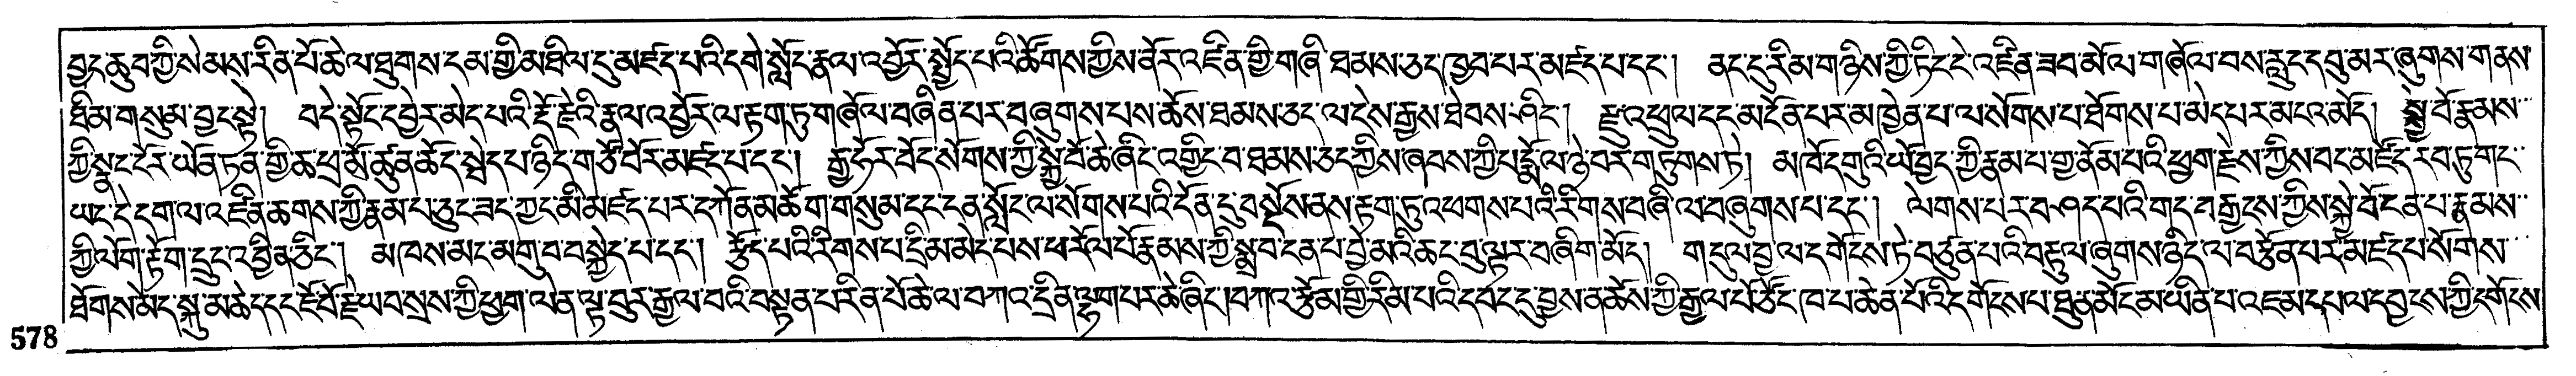བྱང་ཆུབ་ཀྱི་སེམས་རིན་པོ་ཆེ་ལ་ཐུགས་དམ་གྱི་མཐིལ་དུ་མཛད་པའི་དགེ་སློང་རྣལ་འབྱོར་སྤྱོད་པའི་ཚོགས་ཀྱིས་ནོར་འཛིན་གྱི་གཞི་ཐམས་ཅད་ཁྱབ་པར་མཛད་པ་དང་། ནང་དུ་རིམ་གཉིས་ཀྱི་ཏིང་ངེ་འཛིན་ཟབ་མོ་ལ་གཞོལ་བས་རླུང་དབུ་མར་ཞུགས་གནས་
ཐིམ་གསུམ་བྱང་སྟེ། བདེ་སྟོང་དབྱེར་མེད་པའི་རྡོ་རྗེའི་རྣལ་འབྱོར་ལ་རྟག་ཏུ་གཞོལ་བཞིན་པར་བཞུགས་པས་ཆོས་ཐམས་ཅད་ལ་དེས་རྒྱས་ཐེབས་ཤིང་། རྫུ་འཕྲུལ་དང་མངོན་པར་མཁྱེན་པ་ལ་ལ་སོགས་པ་ཐོགས་བ་མེད་པར་མངའ་མོད། སྐྱེ་བོ་རྣམས་
ཀྱི་སྣང་ངོར་ཡོན་ཏན་གྱི་ཆ་ཕྲ་མོ་ཚུན་ཆོས་སྤེད་པ་ཉིད་གཙོ་བོར་མཛད་པ་དང་། རྒྱ་ཧོར་བོད་སོགས་ཀྱི་སྐྱེ་བོ་ཆེ་ཞིང་འགྱེད་བ་ཐམས་ཅད་ཀྱིས་ཞབས་ཀྱི་པདམོ་ལ་ཉེ་བར་གཏུགས་ཏེ། མཁོ་དགུའི་ཡོ་བྱད་ཀྱི་རྣམ་པ་གྱ་ནོམ་པའི་ཕྱག་རྫས་ཡིས་བར་མཛོད་རབ་ཏུ་གང་
ཡང་དེ་དག་ལ་འཛིན་ཆགས་ཀྱི་རྣམ་པ་ཅུང་ཟད་ཀྱང་མི་མཛད་པར་དཀོན་མཆོག་གསུམ་དང་ངན་སློང་ལ་སོགས་པའི་དོན་དུ་བསྔོས་ནས་རྟག་ཏུ་འཕགས་པའི་རིགས་བཞི་ལ་བཞུགས་པ་དང་། ལེགས་པར་བཤད་པའི་གད་བརྒྱངས་ཀྱིས་སྐྱེ་བོ་ངན་པ་རྣམས་
ཀྱི་ལོག་རྟོག་དྲུང་འཕྱིན་ཅིང་། མཁས་མང་མགུབ་བསྐྱེད་པ་དང་། རྩོད་པའི་རིགས་པ་དྲི་མ་མེད་པས་ཕ་རོལ་པོ་རྣམས་ཀྱི་སྨྲ་བ་ངན་པ་བྱེ་མའི་ཅང་བུ་ལྟར་བཞིག་མོད། གདུལ་བྱ་ལ་དགོངས་ཏེ་བཙུན་པའི་བརྟུལ་ཞུགས་ཉིད་ལ་བརྩོན་པར་མཛད་པ་སོགས་
ཐོགས་མེད་སྐུ་མཆེད་དང་ཇོ་བོ་རྗེ་ཡབ་སྲས་ཀྱི་ཕྱག་ལེན་ལྟ་བུར་གྱལ་བའི་བསྟན་པ་རིན་པོ་ཆེ་ལ་བཀའ་དྲིན་ལྷག་པར་ཆེ་ཞིང་། བཀའ་རྩོམ་གྱི་རིམ་པའི་དབང་དུ་བྱས་ན་ཆོས་ཀྱི་རྒྱལ་བོ་ཙོང་ཁ་པ་ཆེན་པོའི་དགོངས་པ་ཐུན་མོང་མ་ཡིན་པ་འཇམ་དཔལ་དབྱངས་ཀྱི་དགོས་